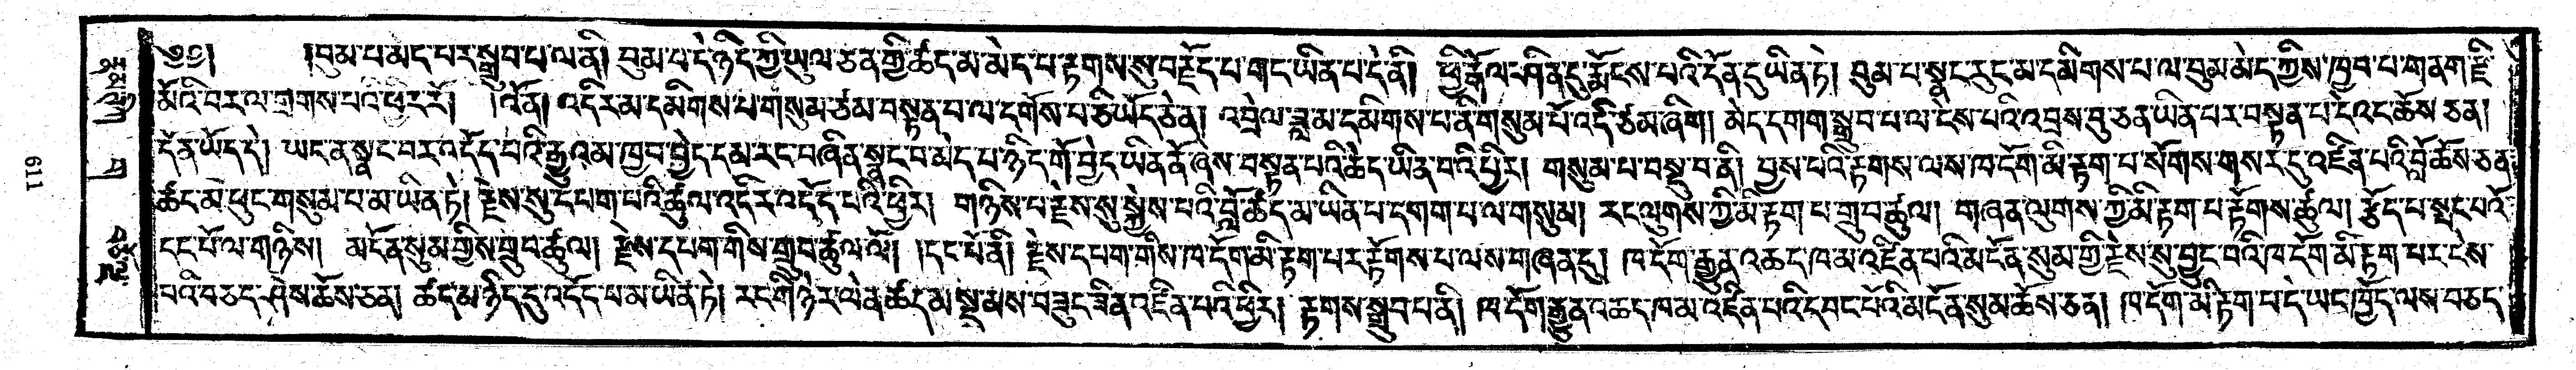༄༅། །བུམ་པ་མེད་པར་སྒྲུབ་པ་ལ་ནི། བུམ་པ་དེ་ཉིད་ཀྱི་ཡུལ་ཅན་གྱི་ཚད་མ་མེད་པ་རྟགས་སུ་བརྗོད་པ་གང་ཡིན་པ་དེ་ནི། ཕྱི་རྒོལ་ཤིན་ཏུ་རྨོངས་པའི་དོན་དུ་ཡིན་ཏེ། བུམ་པ་སྣང་རུང་མ་དམིགས་པ་ལ་བུམ་མེད་ཀྱིས་ཁྱབ་པ་གནག་རྫི་
མོའི་བར་ལ་གྲགས་པའི་ཕྱིར་རོ། །འོ་ན། འདིར་མ་དམིགས་པ་གསུམ་ཙམ་བསྟན་པ་ལ་དགོས་པ་ཅི་ཡོད་ཅེ་ན། འབྲེལ་ཟླ་མ་དམིགས་པ་ནི་གསུམ་པོ་འདི་ཙམ་ཞིག། མེད་དགག་སྒྲུབ་པ་ལ་ངེས་པའི་འབྲས་བུ་ཅན་ཡིན་པར་བསྟན་པ་དེའང་ཆོས་ཅན།
དོན་ཡོད་དེ། ཡང་ན་སྣང་བར་འདོད་པའི་རྒྱུའམ་ཁྱབ་བྱེད་དམ་རང་བཞིན་སྣང་བ་མེད་པ་ཉིད་གོ་བྱེད་ཡིན་ནོ་ཞེས་བསྟན་པའི་ཆེད་ཡིན་པའི་ཕྱིར། གསུམ་པ་བསྡུ་བ་ནི། བྱས་པའི་རྟགས་ལས་ཁ་དོག་མི་རྟག་པ་སོགས་གསར་དུ་འཛིན་པའི་བློ་ཆོས་ཅན་
ཚང་མ་ཕུང་གསུམ་པ་མ་ཡིན་ཏེ། རྗེས་སུ་དཔག་པའི་ཚུལ་འདིར་འདོད་པའི་ཕྱིར། གཉིས་པ་རྗེས་སུ་སྐྱེས་པའི་བློ་ཚད་མ་ཡིན་པ་དགག་པ་ལ་གསུམ། རང་ལུགས་ཀྱི་མི་རྟག་པ་གྲུབ་ཚུལ། གཞན་ལུགས་ཀྱི་མི་རྟག་པ་རྟོགས་ཚུལ། རྩོད་པ་སྤང་པའོ་
དང་པོ་ལ་གཉིས། མངོན་སུམ་གྱིས་གྲུབ་ཚུལ། རྗེས་དཔག་གིས་གྲུབ་ཚུལ་ལོ། །དང་པོ་ནི། རྗེས་དཔག་གིས་ཁ་དོག་མི་རྟག་པར་རྟོགས་པ་ལས་གཞན་དུ། ཁ་དོག་རྒྱུན་འཆད་ཁ་མ་འཛིན་པའི་མངོན་སུམ་གྱི་རྗེས་སུ་བྱུང་བའི་ཁ་དོག་མི་རྟག་པར་ངེས་
པའི་བཅད་ཤེས་ཆོས་ཅན། ཚད་མ་ཉིད་དུ་འདོད་པ་མ་ཡིན་ཏེ། རང་གི་ཉེར་ལེན་ཚད་མ་སྔ་མས་བཟུང་ཟིན་འཛིན་པའི་ཕྱིར། རྟགས་སྒྲུབ་པ་ནི། ཁ་དོག་རྒྱུན་འཆད་ཁ་མ་འཛིན་པའི་དབང་པོའི་མངོན་སུམ་ཆོས་ཅན། ཁ་དོག་མི་རྟག་པ་དེ་ཡང་ཁྱོད་ལས་བཅད་